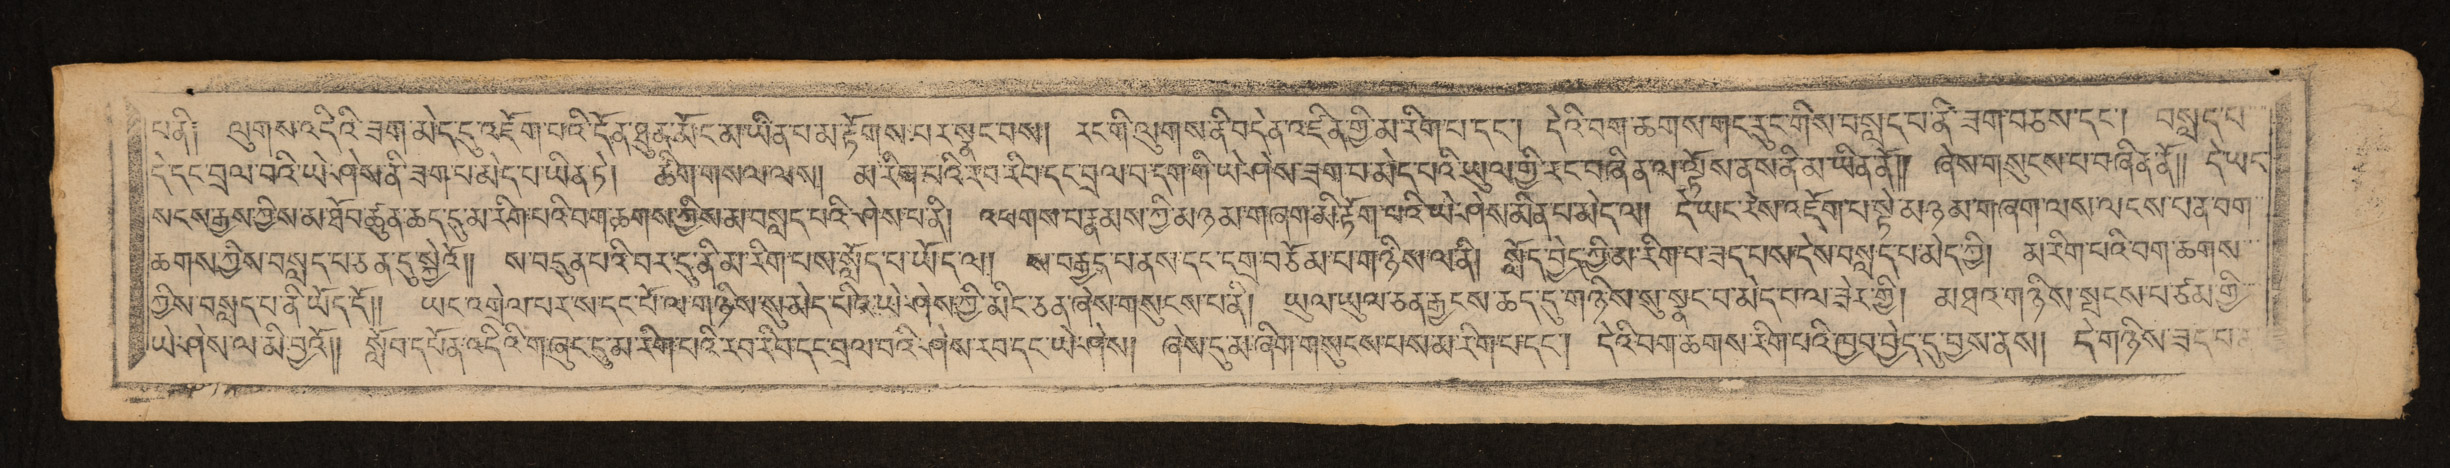པ་ནི། ལུགས་འདིའི་ཟག་མེད་དུ་འཇོག་པའི་དོན་ཐུན་མོང་མ་ཡིན་པ་མ་རྟོགས་པར་སྣང་བས། རང་གི་ལུགས་ནི་བདེན་འཛིན་གྱི་མ་རིག་པ་དང་། དེའི་བག་ཆགས་གང་རུང་གིས་བསླད་པ་ནི་ཟག་བཅས་དང་། བསླད་པ་
དེ་དང་བྲལ་བའི་ཡེ་ཤེས་ནི་ཟག་པ་མེད་པ་ཡིན་ཏེ། ཚིག་གསལ་ལས། མ་རིག་པའི་རབ་རིབ་དང་བྲལ་བ་དག་གི་ཡེ་ཤེས་ཟག་པ་མེད་པའི་ཡུལ་གྱི་རང་བཞིན་ལ་ལྟོས་ནས་ནི་མ་ཡིན་ནོ།། ཞེས་གསུངས་པ་བཞིན་ནོ།། དེ་ཡང་
སངས་རྒྱས་ཀྱི་ས་མ་ཐོབ་ཚུན་ཆད་དུ་མ་རིག་པའི་བག་ཆགས་ཀྱིས་མ་བསླད་པའི་ཤེས་པ་ནི། འཕགས་པ་རྣམས་ཀྱི་མཉམ་གཞག་མི་རྟོག་པའི་ཡེ་ཤེས་མིན་པ་མེད་ལ། དེ་ཡང་རེས་འཇོག་པ་སྟེ་མཉམ་གཞག་ལས་ལངས་པ་ན་བག་
ཆགས་ཀྱིས་བསླད་པ་ཅན་དུ་སྐྱེའོ།། ས་བདུན་པའི་བར་དུ་ནི་མ་རིག་པས་སླད་པ་ཡོད་ལ། ས་བརྒྱད་པ་ནས་དང་དགྲ་བཅོམ་པ་གཉིས་ལ་ནི། སློང་བྱེད་ཀྱི་མ་རིག་པ་ཟད་པས་དེས་བསླད་པ་མེད་ཀྱི། མ་རིག་པའི་བག་ཆགས་
ཀྱིས་བསླད་པ་ནི་ཡོད་དོ།། ཡང་འགྲེལ་པར་ས་དང་པོ་ལ་གཉིས་སུ་མེད་པའི་ཡེ་ཤེས་ཀྱི་མིང་ཅན་ཞེས་གསུངས་པ་ནི། ཡུལ་ཡུལ་ཅན་རྒྱངས་ཆད་དུ་གཉིས་སུ་སྣང་བ་མེད་པ་ལ་ཟེར་གྱི། མཐའ་གཉིས་སྤངས་པ་ཙམ་གྱི་
ཡེ་ཤེས་ལ་མི་བྱའོ།། སློབ་དཔོན་འདིའི་གཞུང་དུ་མ་རིག་པའི་རབ་རིབ་དང་བྲལ་བའི་ཤེས་རབ་དང་ཡེ་ཤེས། ཞེས་དུ་མ་ཞིག་གསུངས་པས་མ་རིག་པ་དང་། དེའི་བག་ཆགས་རིག་པའི་ཁྱབ་བྱེད་དུ་བྱས་ནས། དེ་གཉིས་ཟད་པ་ན་